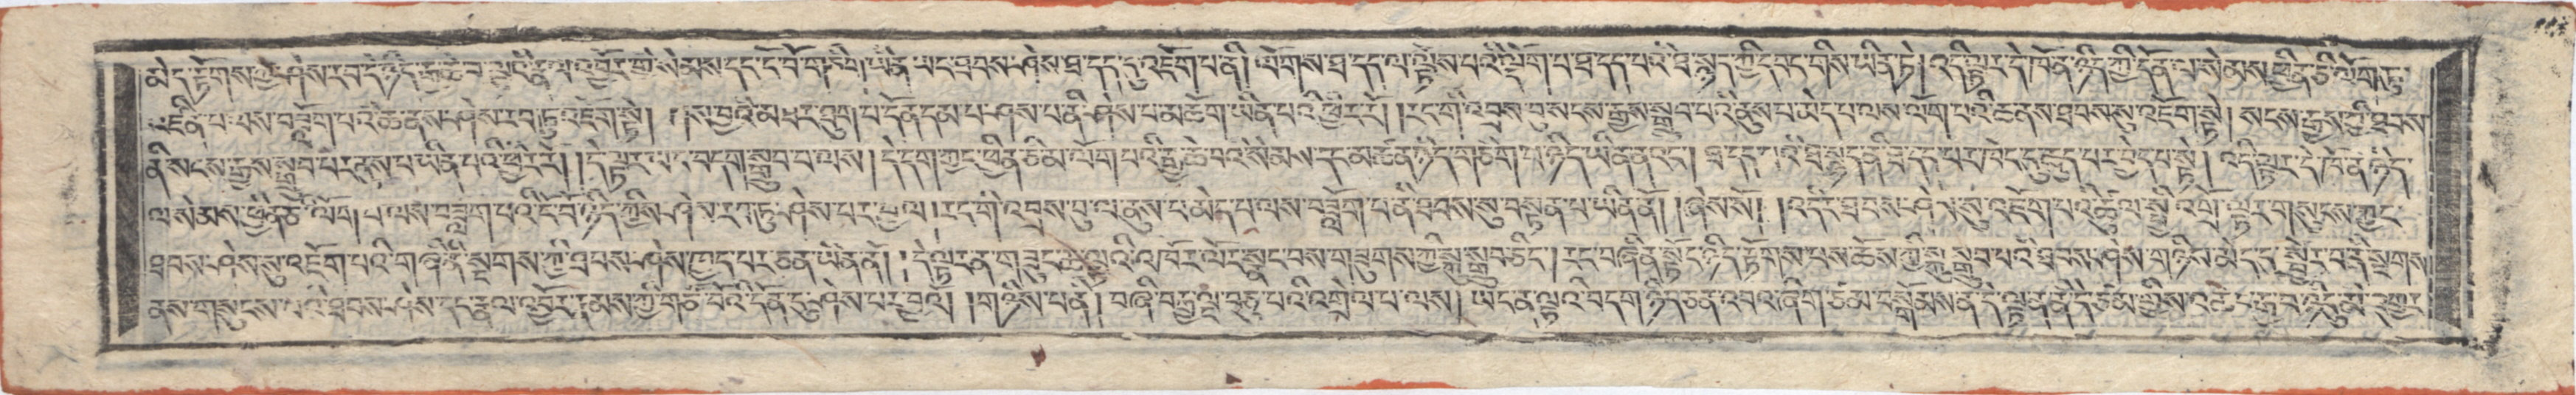མེད་རྟོགས་ཀྱི་ཤེས་རབ་དེ་ཉིད་རྒྱ་ཆེ་བ་ལྷའི་རྣལ་འབྱོར་གྱི་སེམས་དང་ངོ་བོ་གཅིག་ཡིན་ཡང་ཐབས་ཤེས་ཐ་དད་དུ་འཇོག་པ་ནི། ལོགས་ཐ་དད་ལ་ལྟོས་པའི་ལྡོག་པ་ཐ་དད་པའི་ཐ་སྙད་ཀྱི་དབང་གིས་ཡིན་ཏེ། འདི་ལྟར་དེ་ཁོ་ན་ཉིད་ཀྱི་དོན་ལ་སེམས་ཕྱིན་ཅི་ལོག་ཏུ་
འཛིན་པ་ལས་བཟློག་པའི་ཆ་ནས་ཤེས་རབ་ཏུ་འཇོག་སྟེ། ཤེས་བྱའི་མཐར་ཐུག་པ་དོན་དམ་པ་ཤས་པ་ནི་ཤེས་པ་མཆོག་ཡིན་པའི་ཕྱིར་རོ། །རང་གི་འབྲས་བུ་སངས་རྒྱས་སྒྲུབ་པའི་ནུས་པ་མེད་པ་ལས་ལོག་པའི་ཆ་ནས་ཐབས་སུ་འཇོག་སྟེ། སངས་རྒྱས་ཀྱི་ཐབས་
ནི་སངས་རྒྱས་སྒྲུབ་པར་ནུས་པ་ཡིན་པའི་ཕྱིར་རོ། །དེ་ལྟར་ཡང་བདག་སྒྲུབ་པ་ལས། དེ་དག་ཀྱང་ཕྱིན་ཅི་མ་ལོག་པའི་རྒྱ་ཆེ་བའི་སེམས་དང་མཚན་ཉིད་གཅིག་པ་ཉིད་ཡིན་ནའང་། ཐ་དད་པའི་ཐ་སྙད་ནི་ཐ་དད་པར་ཁོང་དུ་ཆུད་པར་བྱེད་པ་སྟེ། འདི་ལྟར་དེ་ཁོ་ན་ཉིད་ལ་སེམས་ཕྱིན་ཅི་ལོག་པ་ལས་བཟློག་པའི་ངོ་བོ་ཉིད་ཀྱིས་ཤེས་རབ་ཏུ་ཤེས་པར་བྱ་ལ། རང་གི་འབྲས་བུ་ལ་ནུས་པ་མེད་པ་ལས་བཟློག་པ་ནི་ཐབས་སུ་བསྟན་པ་ཡིན་ནོ། །ཞེས་སོ། །འདིར་ཐབས་ཤེས་སུ་འཇོག་པའི་ཚུལ་སྤྱི་འགྲོ་ལྟར་གསུངས་ཀྱང་
ཐབས་ཤེས་སུ་འཇོག་པའི་གཞི་ནི་སྔགས་ཀྱི་ཐབས་ཤེས་ཁྱད་པར་ཅན་ཡིན་ནོ། །དེ་ལྟར་ན་གཟུང་ཆ་ལྷའི་འཁོར་ལོར་སྣང་བས་གཟུགས་ཀྱི་སྐུ་སྒྲུབ་ཅིང་། རང་བཞིན་སྟོང་ཉིད་རྟོགས་པས་ཆོས་ཀྱི་སྐུ་སྒྲུབ་པའི་ཐབས་ཤེས་གཉིས་མེད་དུ་སྦྱོར་བ་ནི་སྔགས་
ནས་གསུངས་པའི་ཐབས་ཤེས་དང་རྣལ་འབྱོར་རྣམས་ཀྱི་གཙོ་བོའི་དོན་དུ་ཤེས་པར་བྱའོ། །གཉིས་པ་ནི། བཞི་བརྒྱ་ལྔ་བཅུ་པའི་འགྲེལ་པ་ལས། ཡང་ན་ལྷའི་བདག་ཉིད་ཅན་འབའ་ཞིག་ཙམ་བསྒོམས་ན་དེ་ལྟ་ན་ནི་དེ་ཙམ་གྱིས་འཚང་རྒྱ་བ་ཉི་དུ་མི་འགྱུར་